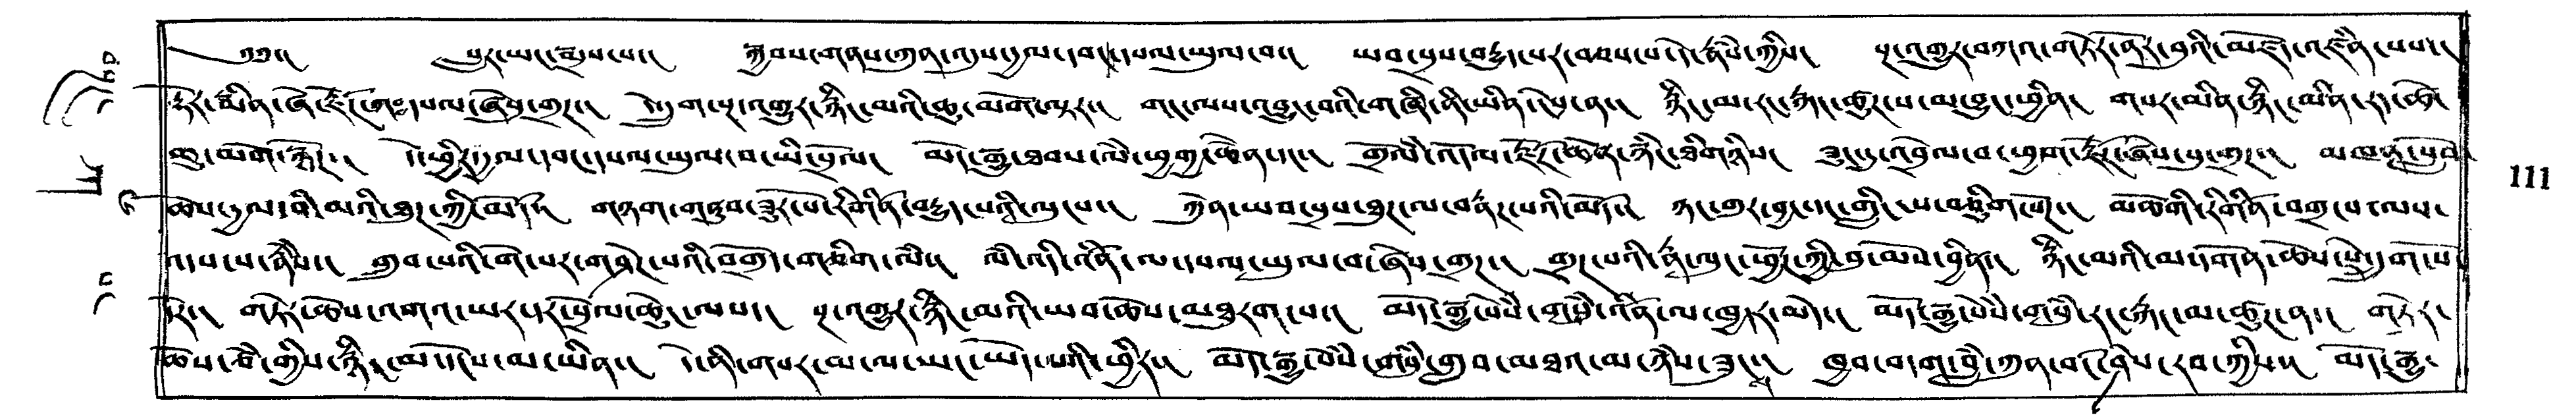སླར་ཡང་སྨྲས་པ། སྐྱབས་གནས་ཀུན་འདུས་རྒྱལ་དབང་དཔལ་ཡུལ་བ། །ཡབ་སྲས་བརྒྱུད་པར་བཅས་པ་དེ་རྣམས་ཀྱིས། །སྔ་འགྱུར་བཀའ་གཏེར་ནོར་བུའི་མཛོད་འཛིན་པས། །
རྡོར་སྨིན་ཞེ་རྫོགས་ཀཿདཔལ་ཞེས་སུ་གྲགས། །དེ་དྲུག་སྔ་འགྱུར་རྙིང་མའི་ཆུ་མགོ་ལྟར། །གང་ལས་འབྱུང་བའི་གཞི་ནི་ཡིན་ངེས་ན། །རྙིང་མ་རང་རྐང་ཚུགས་པ་མ་བྱུང་ཕྱིན། །གསར་མིན་རྙིང་མིན་རེད་ཚེ་
ཆུ་མགོ་སྙོགས། །དེ་ཕྱིར་རྒྱལ་དབང་དཔལ་ཡུལ་བ་ཡི་སྲོལ། །མདོ་སྒྱུ་ཐབས་ལམ་ཕྱག་རྒྱ་ཆེན་པོ་དང་། །གྲོལ་ལམ་འོད་གསལ་རྫོགས་ཆེན་སྙིང་ཐིག་གཉིས། །ཟུང་དུ་འབྲེལ་བ་ཕྱག་རྫོགས་ཞེས་སུ་གྲགས། །མཁན་སློབ་
ཆོས་རྒྱལ་བི་མའི་ཐུགས་ཀྱི་མཛོད། །གཉགས་གནུབས་ཟུར་པ་རིག་འཛིན་བརྒྱུད་པའི་ལུང་། །ཀུན་མཁྱེན་ཡབ་སྲས་ཐུགས་ལ་བརྣགས་པའི་མཛོད། །ཉང་གུར་བྱང་དང་གླིང་པ་བཅུ་གཅིག་སོགས། །མཆོག་གི་རིག་འཛིན་བགྲང་ལས་
འདས་པ་རྣམས། །གྲུབ་པའི་གོ་སར་གཤེགས་པའི་བགྲོད་གཅིག་ལམ། །ལམ་འདི་འཛིན་ལ་དཔལ་ཡུལ་བ་ཞེས་གྲགས། །གྲགས་པའི་རྣ་ལུང་ཕྱོགས་ཀྱི་བུ་མོས་བྱིན། །རྙིང་མའི་མ་དགོན་ཆོས་སྡེ་དྲུག་པོ་
དེར། །གཏེར་ཆོས་འགའ་ཡར་དར་སྲོལ་ཆེ་ཆུང་ལས། །སྔ་འགྱུར་རྙིང་མའི་ཡབ་ཆོས་མཐར་ཐུག་པ། །མདོ་སྒྱུ་སེམས་གསུམ་འཛིན་ལ་ཁྱད་པར་མེད། །མདོ་སྒྱུ་སེམས་གསུམ་རང་རྐང་མ་ཚུགས་ན། །གཏེར་
ཆོས་ཙམ་གྱིས་རྙིང་མ་དངོས་མ་ཡིན། །དེ་ནི་གསར་མ་ལ་ཡང་ཡོད་པའི་ཕྱིར། །མདོ་སྒྱུ་སེམས་གསུམ་གྲུབ་མཐའ་མ་ཉམས་ཟུངས། །ཁྱབ་བདག་བླ་མ་ཀུན་བཟང་ཤེས་རབ་ཀྱིས། །མདོ་སྒྱུ་